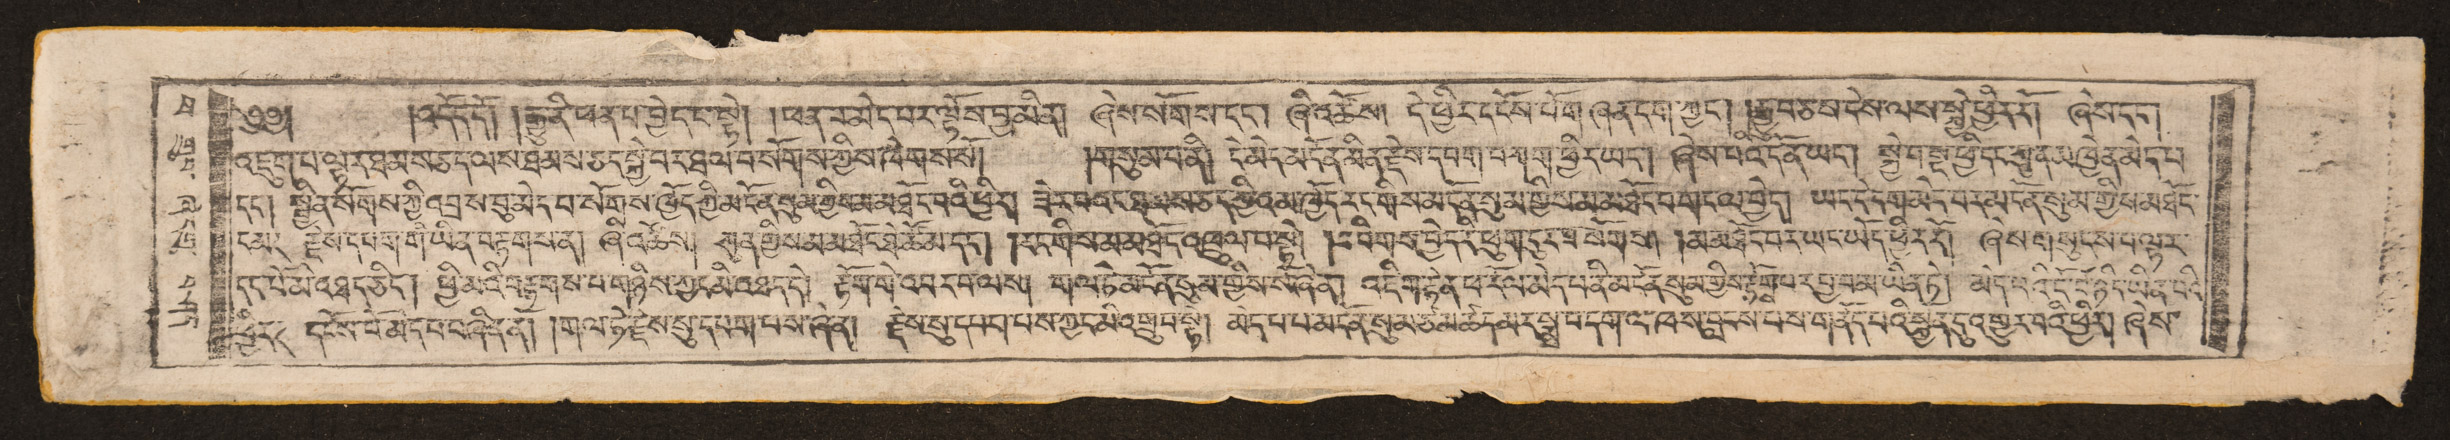༄༅། །འདོད་དོ། །རྒྱུ་ནི་ཕན་པ་བྱེད་པ་སྟེ། །ཕན་པ་མེད་པར་ལྟོས་བྱ་མིན། ཞེས་སོགས་དང་། ཞི་འཚོས། དེ་ཕྱིར་དངོས་པོ་གཞན་དག་ཀྱང་། །རྒྱུ་བཅས་དེས་ལས་སྐྱེ་ཕྱིར་རོ། ཞེས་དང་།
འཇུག་པ་ལྟར་ཐམས་ཅད་ལས་ཐམས་ཅད་སྐྱེ་བར་ཐལ་བ་སོགས་ཀྱིས་ཁེགས་སོ། །གསུམ་བ་ནི། དེ་མེད་མངོན་མིན་རྗེས་དཔག་བཀག་ཕྱིར་ཡང་། ཞེས་པའི་དོན་ཡང་། སྐྱེ་བ་སྔ་ཕྱི་དང་ཀུན་མཁྱེན་མེད་པ་
དང་། སྦྱིན་སོགས་ཀྱི་འབྲས་བུ་མེད་པ་སོགས་ཁྱོད་ཀྱི་མངོན་སུམ་གྱིས་མ་མཐོང་བའི་ཕྱིར། ཟེར་བའང་ཐམས་ཅད་ཀྱིའམ་ཁྱོད་རང་གིས་མངོན་སུམ་གྱིས་མ་མཐོང་བ་གང་ལ་བྱེད། ཡང་དེ་དག་མེད་པར་མངོན་སུམ་གྱིས་མཐོང་
ངམ༑ རྗེས་དཔག་གི་ཡིན་བརྟགས་ན། ཞི་འཚོས། ཀུན་གྱིས་མ་མཐོང་ཐེ་ཚོམ་དང་། །རང་གིས་མ་མཐོང་འཁྲུལ་པ་སྟེ། །དབིགས་བྱེད་རི་ཕུག་དུར་པ་?་སོགས། །མ་མཐོང་བར་ཡང་ཡོད་ཕྱིར་རོ། ཞེས་གསུངས་པ་ལྟར་
དང་པོ་མི་འཐད་ཅིང་། ཕྱི་མའི་བརྟགས་པ་གཉིས་ཀྱང་མི་འཐད་དེ། རྟོག་གེ་འབར་བ་ལས། གལ་ཏེ་མངོན་སུམ་གྱིས་སོ་ཞེ་ན། འཇིག་རྟེན་ཕ་རོལ་མེད་པ་ནི་མངོན་སུམ་གྱིས་རྟོགས་པར་བྱ་བ་མ་ཡིན་ཏེ། མེད་པའི་ངོ་བོ་ཉིད་ཡིན་པའི་
ཕྱིར༑ དངོས་པོ་མེད་པ་བཞིན་ནོ། །གལ་ཏེ་རྗེས་སུ་དཔག་པས་ཞེ་ན། རྗེས་སུ་དཔག་པས་ཀྱང་མི་འགྲུབ་སྟེ། མེད་པ་པ་མངོན་སུམ་ཙམ་ཚད་མར་སྨྲ་བདག་ལ་ཁས་བླངས་པས་གནོད་པའི་སྐྱོན་དུ་འགྱུར་བའི་ཕྱིར། ཞེས་